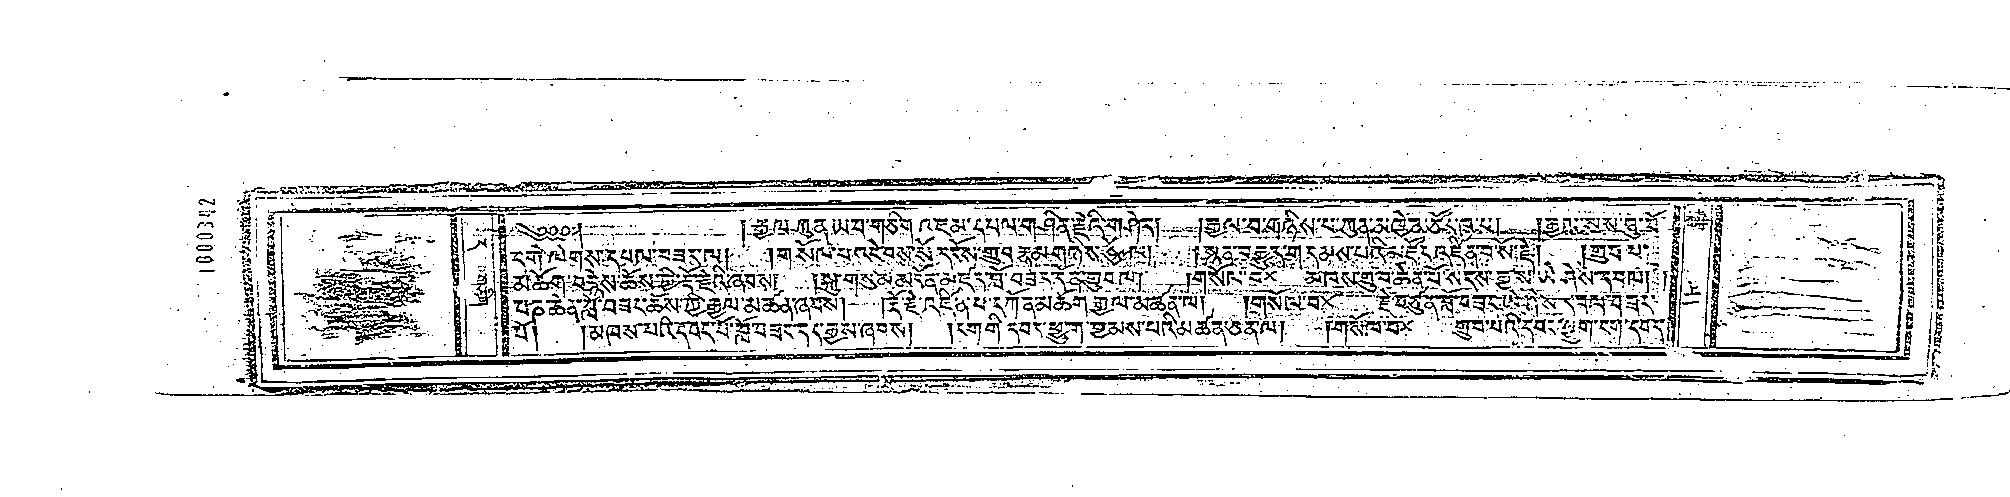༄༅༅། །རྒྱལ་ཀུན་ཡབ་གཅིག་འཇམ་དཔལ་གཤིན་རྗེའི་གཤེད། །རྒྱལ་བ་གཉིས་པ་ཀུན་མཁྱེན་ཙོང་ཁ་པ། །རྒྱལ་སྲས་ཐུ་བོ་
དགེ་ལེགས་དཔལ་བཟང་ལ། །གསོལ་བ་འདེབས་སོ་དངོས་གྲུབ་རྣམ་གཉིས་སྩོལ། །སྙན་བརྒྱུད་གདམས་པའི་མཛོད་འཛིན་བ་སོ་རྗེ། །གྲུབ་པ་
མཆོག་བརྙེས་ཆོས་ཀྱི་རྡོ་རྗེའི་ཞབས། །སྐུ་གསུམ་མདོན་མཛད་བློ་བཟང་དོན་གྲུབ་ལ། །གསོལ་བ་྾་མཁས་གྲུབ་ཆེན་པོ་སངས་རྒྱས་ཡེ་ཤེས་དཔལ། །
པཎ་ཆེན་བློ་བཟང་ཆོས་ཀྱི་རྒྱལ་མཚན་ཞབས། །རྡོ་རྗེ་འཛིན་པ་དཀོན་མཆོག་རྒྱལ་མཚན་ལ། །གསོལ་བ་྾་རྗེ་བཙུན་བློ་བཟང་ཡེ་ཤེས་དཔལ་བཟང་
པོ། །མཁས་པའི་དབང་པོ་བློ་བཟང་དར་རྒྱས་ཞབས། །ངག་གི་དབང་ཕྱུག་བྱམས་པའི་མཚན་ཅན་ལ། །གསོལ་བ་྾་གྲུབ་པའི་དབང་ཕྱུག་ངག་དབང་